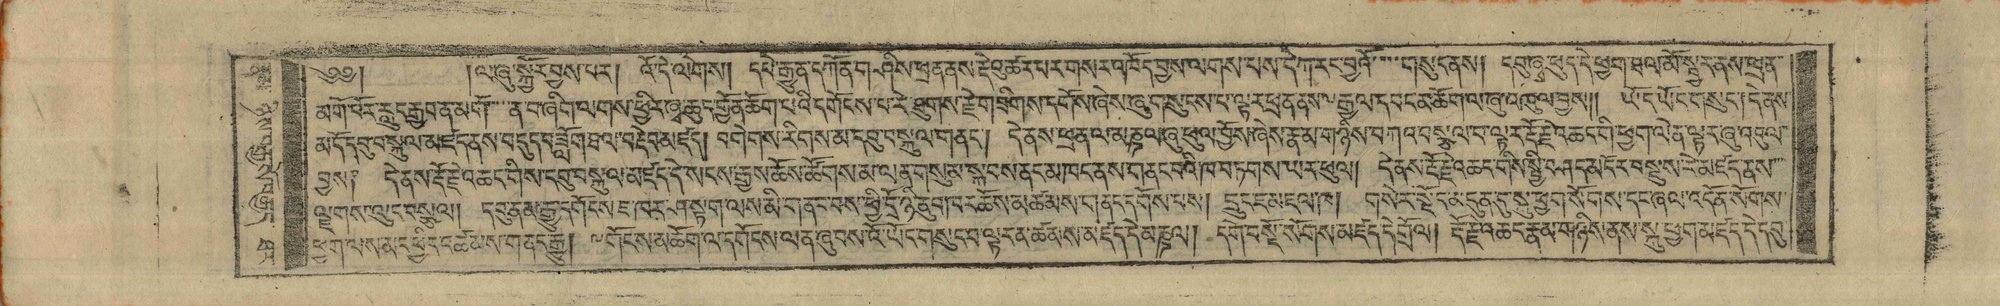༄༅། །ལ་ཞུ་སྐྱོར་བྱས་པར། འོ་དེ་ལེགས། དཔེ་རྒྱུན་དཀོན་གཤིས་ཕྲན་ནས་རྡེའུ་ཚར་པར་གསར་འཁོད་བྱས་ལགས་པས་དེ་ཀ་རང་བྱའོ་གསུང་ནས། དབུ་ཞྭ་ཕུད་དེ་ཕྱག་ཐལ་མོ་སྦྱར་ནས་ཕྲན་
མགོ་པོར་རླུང་རྒྱབ་ན་མགོ་ན་བ་ཞིག་ལགས་ཕྱིར་ཞྭ་ཆུང་གྱོན་ཆོག་པའི་དགོངས་པ་རེ་ཐུགས་རྗེ་གཟིགས་དགོས་ཞེས་ཞུ་གསུངས་པ་ལྟར་ཕྲན་ནས་༧རྒྱལ་དབང་མཆོག་ལ་ཞུ་འཁུལ་བྱས། །ཡོང་ཡོང་གསུང་། དེ་ནས་
མདོ་དབུ་བསྐུལ་མཛད་ནས་བདུད་བཟློག་ཐལ་བརྡེབ་མཛད། བགེགས་རིགས་མ་དབུ་བསྐུལ་གནང་། དེ་ནས་ཕྲན་ལ་མཎྜལ་ཞུ་ཕུལ་བྱོས་ཞེས་རྣམ་གཉིས་བཀའ་བསྩལ་བ་ལྟར་རྡོ་རྗེ་འཆང་གི་ཕྱག་ལེན་ལྟར་ཞུ་འབུལ་
བྱས༑ དེ་ནས་རྡོ་རྗེ་འཆང་གིས་དབུ་བསྐུལ་མཛད་དེ་སངས་རྒྱས་ཆོས་ཚོགས་མ་ལན་གསུམ་སྐབས་ནང་མ་ཁང་ནས་གནང་བའི་ཁ་བཏགས་ཡར་ཕུལ། དེ་ནས་རྡོ་རྗེ་འཆང་གིས་སྤྱི་བཤད་མདོར་བསྡུས་རེ་མཛད་ནས་
ལྗགས་ལུང་བསྩལ། དབུ་ནམ་རྒྱུ་དགོངས་ཇ་ཁར་ཤ་སྟག་ལས་མི་གནང་བས་ཕྱི་དྲོ་ཉི་ནུབ་ཁར་ཆོས་མཚམས་གནང་དགོས་པས། དྲུང་ཇ་མཇལ་ཁ། གསེར་སྡོང་མདུན་དུ་སྐུ་ཕྱག་སོགས་དང་ཞལ་འདོན་སོགས་
ཕྱག་ལས་མང་ཕྱིར་འཚམས་གནང་རྒྱུ། ༧གོང་ས་མཆོག་ལ་དགོངས་ལན་ཞུ་བས་འོ་ཡོང་གསུང་བ་ལྟར་མཚམས་མཛད་དེ་མཎྜལ། དགེ་བསྔོ་སོགས་མཛད་དེ་གྲོལ། རྡོ་རྗེ་འཆང་རྣམ་གཉིས་ནས་སྐུ་ཕྱག་མཛད་དེ་དབུ་